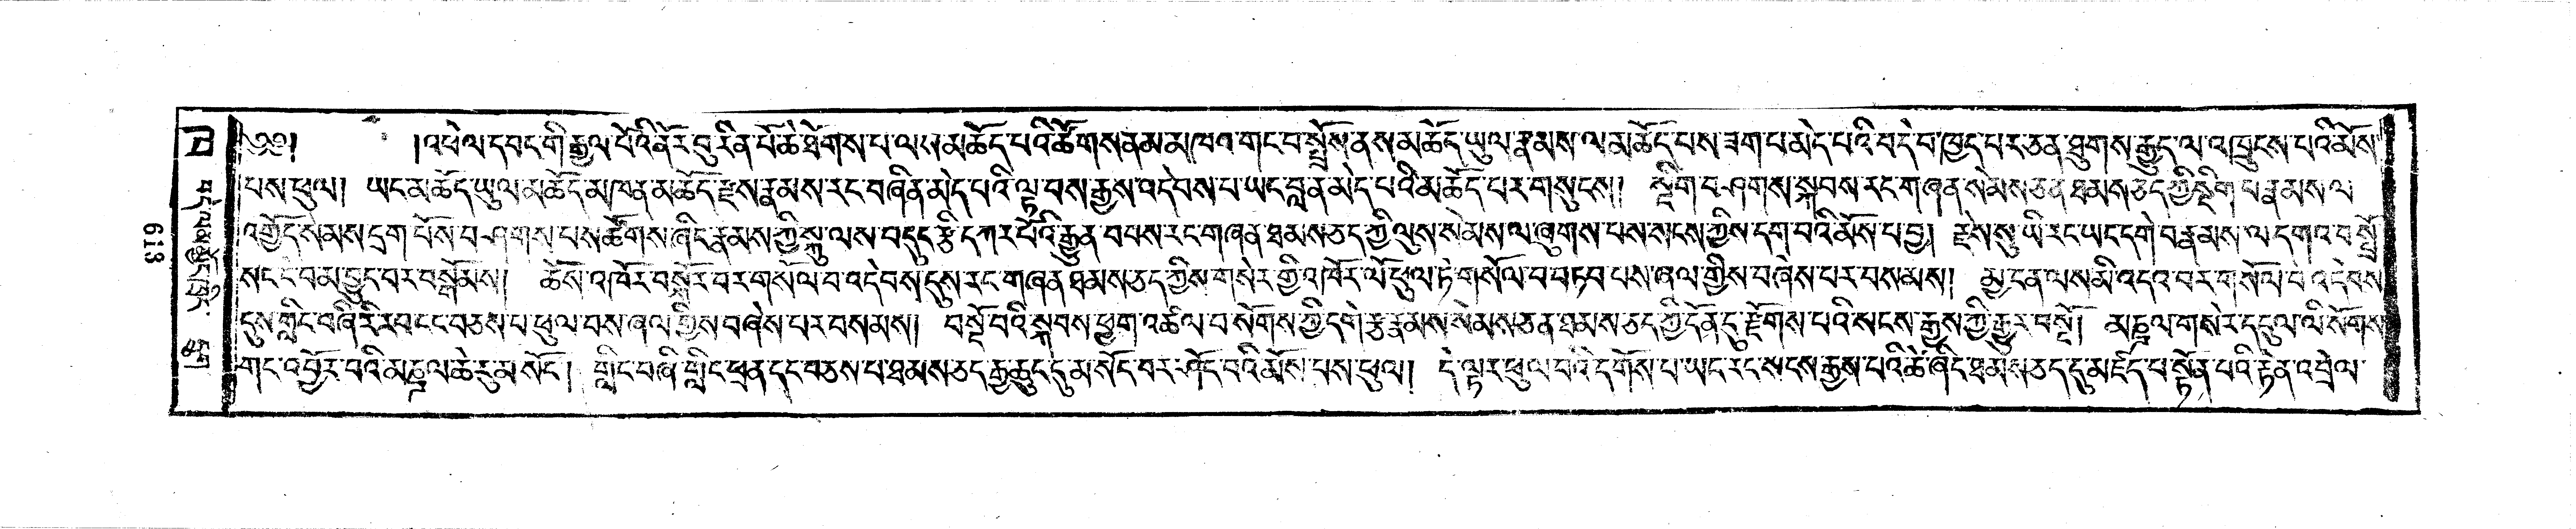༄༅། །འཕེལ་དབང་གི་རྒྱལ་པོའི་ནོར་བུ་རིན་པོ་ཆེ་ཐོགས་པ་ལས་མཆོད་པའི་ཚོགས་ནམ་མཁའ་གང་བ་སྤྲོས་ནས་མཆོད་ཡུལ་རྣམས་ལ་མཆོད་པས་ཟག་པ་མེད་པའི་བདེ་བ་ཁྱད་པར་ཅན་ཐུགས་རྒྱུད་ལ་འཁྲུངས་པའི་མོས་
པས་ཕུལ། ཡང་མཆོད་ཡུལ་མཆོད་མཁན་མཆོད་རྫས་རྣམས་རང་བཞིན་མེད་པའི་ལྟ་བས་རྒྱས་འདེབས་པ་ཡང་བླ་ན་མེད་པའི་མཆོད་པར་གསུངས། སྡིག་བཤགས་སྐབས་རང་གཞན་སེམས་ཅན་ཐམས་ཅད་ཀྱི་སྡིག་པ་རྣམས་ལ་
འགྱོད་སེམས་དྲག་པོས་བཤགས་པས་ཚོགས་ཞིང་རྣམས་ཀྱི་སྐུ་ལས་བདུད་རྩི་དཀར་པོའི་རྒྱུན་བབས་རང་གཞན་ཐམས་ཅད་ཀྱི་ལུས་སེམས་ལ་ཞུགས་པས་སངས་ཀྱིས་དག་པའི་མོས་པ་བྱ། རྗེས་སུ་ཡི་རང་ཡང་དགེ་བ་རྣམས་ལ་དགའ་བ་སྤྲོ་
སང་ངེ་བ་མ་བྱུང་བར་བསྒོམས། ཆོས་འཁོར་བསྐོར་བར་གསོལ་བ་འདེབས་དུས་རང་གཞན་ཐམས་ཅད་ཀྱིས་གསེར་གྱི་འཁོར་ལོ་ཕུལ་ཏེ་གསོལ་བ་བཏབ་པས་ཞལ་གྱིས་བཞེས་པར་བསམས། མྱ་ངན་ལས་མི་འདའ་བར་གསོལ་བ་འདེབས་
དུས་གླིང་བཞི་རི་རབ་ངང་བཅས་པ་ཕུལ་བས་ཞལ་གྱིས་བཞེས་པར་བསམས། བསྔོ་བའི་སྐབས་ཕྱག་འཚལ་བ་སོགས་ཀྱི་དགེ་རྩ་རྣམས་སེམས་ཅན་ཐམས་ཅད་ཀྱི་དོན་དུ་རྫོགས་པའི་སངས་རྒྱས་ཀྱི་རྒྱུར་བསྔོ། མཎྜལ་གསེར་དངུལ་ལི་སོགས་
གང་འབྱོར་བའི་མཎྜལ་ཆེ་རུ་མ་སོང་། གླིང་བཞི་གླིང་ཕྲན་དང་བཅས་པ་ཐམས་ཅད་རྒྱ་ཆུང་དུ་མ་སོང་བར་ཤོད་བའི་མོས་པས་ཕུལ། དེ་ལྟར་ཕུལ་བའི་དགོས་པ་ཡང་རང་སངས་རྒྱས་པའི་ཚེ་ཞིང་ཐམས་ཅད་དུ་མཛད་པ་སྟོན་པའི་རྟེན་འབྲེལ་